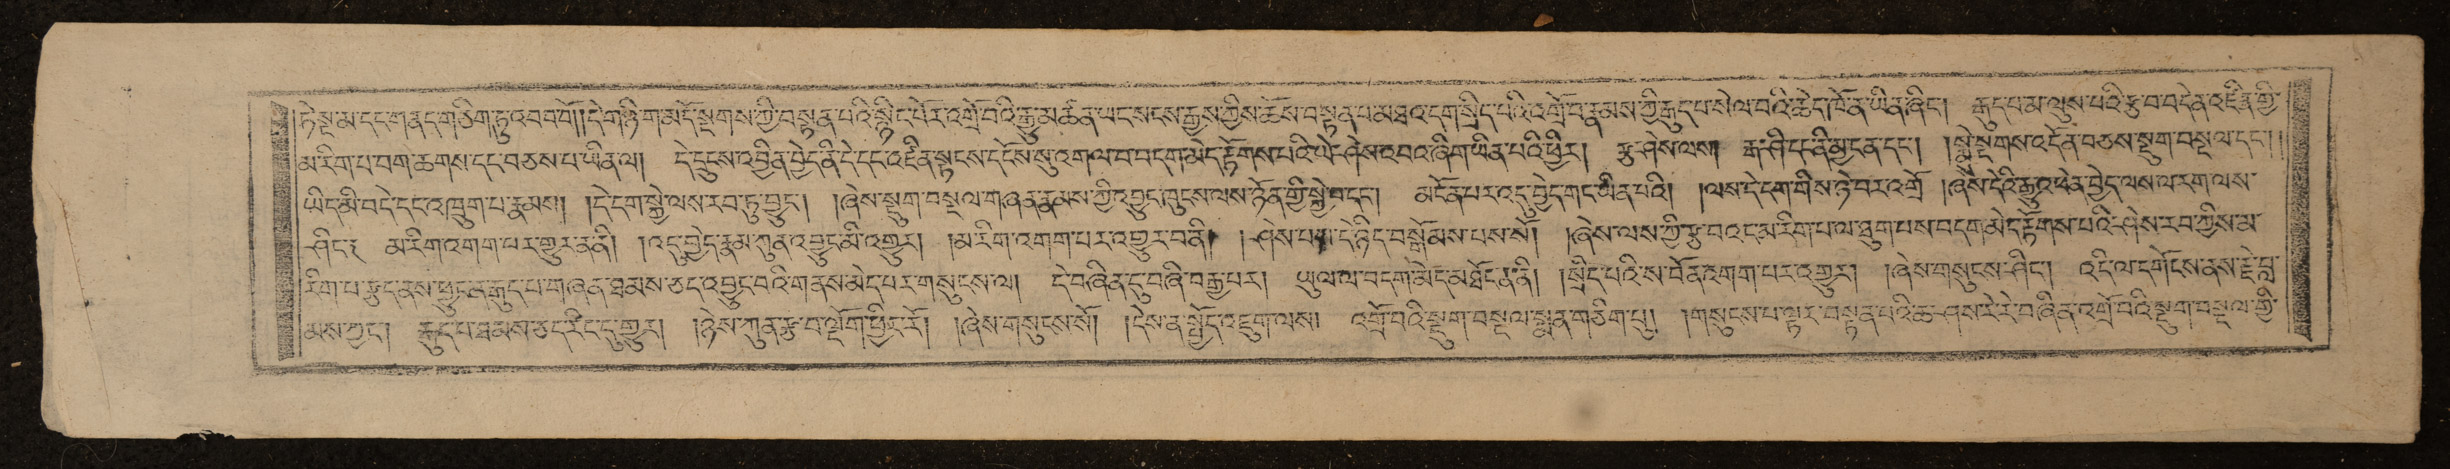ཏེ་སྔ་མ་དང་གནད་གཅིག་ཏུ་འབབ་བོ། །དེ་གཉི་ག་མདོ་སྔགས་ཀྱི་བསྟན་པའི་སྙིང་པོར་འགྲོ་བའི་རྒྱུ་མཚན་ཡང་སངས་རྒྱས་ཀྱིས་ཆོས་བསྟན་པ་མཐའ་དག་སྲིད་པའི་འགྲོ་བ་རྣམས་ཀྱི་རྒུད་པ་སེལ་བའི་ཆེད་ཁོ་ན་ཡིན་ཞིང་། རྒུད་བ་མ་ལུས་བའི་རྩ་བ་བདེན་འཛིན་གྱི་
མ་རིག་པ་བག་ཆགས་དང་བཅས་པ་ཡིན་ལ། དེ་དྲུངས་འབྱིན་བྱེད་ནི་དེ་དང་འཛིན་སྟངས་དངོས་སུ་འགལ་བ་བདག་མེད་རྟོགས་པའི་ཡེ་ཤེས་འབའ་ཞིག་ཡིན་པའི་ཕྱིར། རྩ་ཤེས་ལས། རྒ་ཤི་དང་ནི་མྱ་ངན་དང་། །སྨྲེ་སྔགས་འདོན་བཅས་སྡུག་བསྔལ་དང།།
ཡིད་མི་བདེ་དང་འཁྲུག་པ་རྣམས། །དེ་དག་སྐྱེ་ལས་རབ་ཏུ་བྱུང་། །ཞེས་སྡུག་བསྔལ་གཞན་རྣམས་ཀྱི་འབྱུང་ཁུངས་ལས་ཉོན་གྱི་སྐྱེ་བ་དང་། མངོན་པར་འདུ་བྱེད་གང་ཡིན་པའི། །ལས་དེ་དག་གིས་ཉེ་བར་འགྲོ། །ཞེས་དེའི་རྒྱུ་འཕེན་བྱེད་ལས་ལ་རག་ལས་
ཤིང་། མ་རིག་འགག་པར་གྱུར་ན་ནི། །འདུ་བྱེད་རྣམ་ཀུན་འབྱུང་མི་འགྱུར། །མ་རིག་འགག་པར་འགྱུར་པ་ནི། །ཤེས་པས་དེ་ཉིད་བསྒོམས་པས་སོ། །ཞེས་ལས་ཀྱི་རྩ་བའང་མ་རིག་བ་ལ་ཐུག་པས་བདག་མེད་རྟོགས་པའི་ཤེས་རབ་ཀྱིས་མ་
རིག་བ་རྩད་ནས་ཕྱུང་ན་རྒུད་པ་གཞན་ཐམས་ཅད་འབྱུང་བའི་གནས་མེད་པར་གསུངས་ལ། དེ་བཞིན་དུ་བཞི་བརྒྱུ་བར། ཡུལ་ལ་བདག་མེད་མཐོང་ན་ནི། །སྲིད་བའི་ས་བོན་བགག་པར་འགྱུར། །ཞེས་གསུངས་ཤིང་། འདི་ལ་དགོངས་ནས་རྗེ་བླ་
མས་ཀྱང་། རྒུད་པ་ཐམས་ཅད་རིང་དུ་གྱུར། །ཉེས་ཀུན་རྩ་བ་ལྡོག་ཕྱིར་རོ། །ཞེས་གསུངས་སོ། །དེས་ན་སྤྱོད་འཇུག་ལས། །འགྲོ་བའི་སྡུག་བསྔལ་སྨན་གཅིག་བུ། །གསུངས་པ་ལྟར་བསྟན་བའི་ཆ་ཤས་རེ་རེ་བཞིན་འགྲོ་བའི་སྡུག་བསྔལ་གྱི་